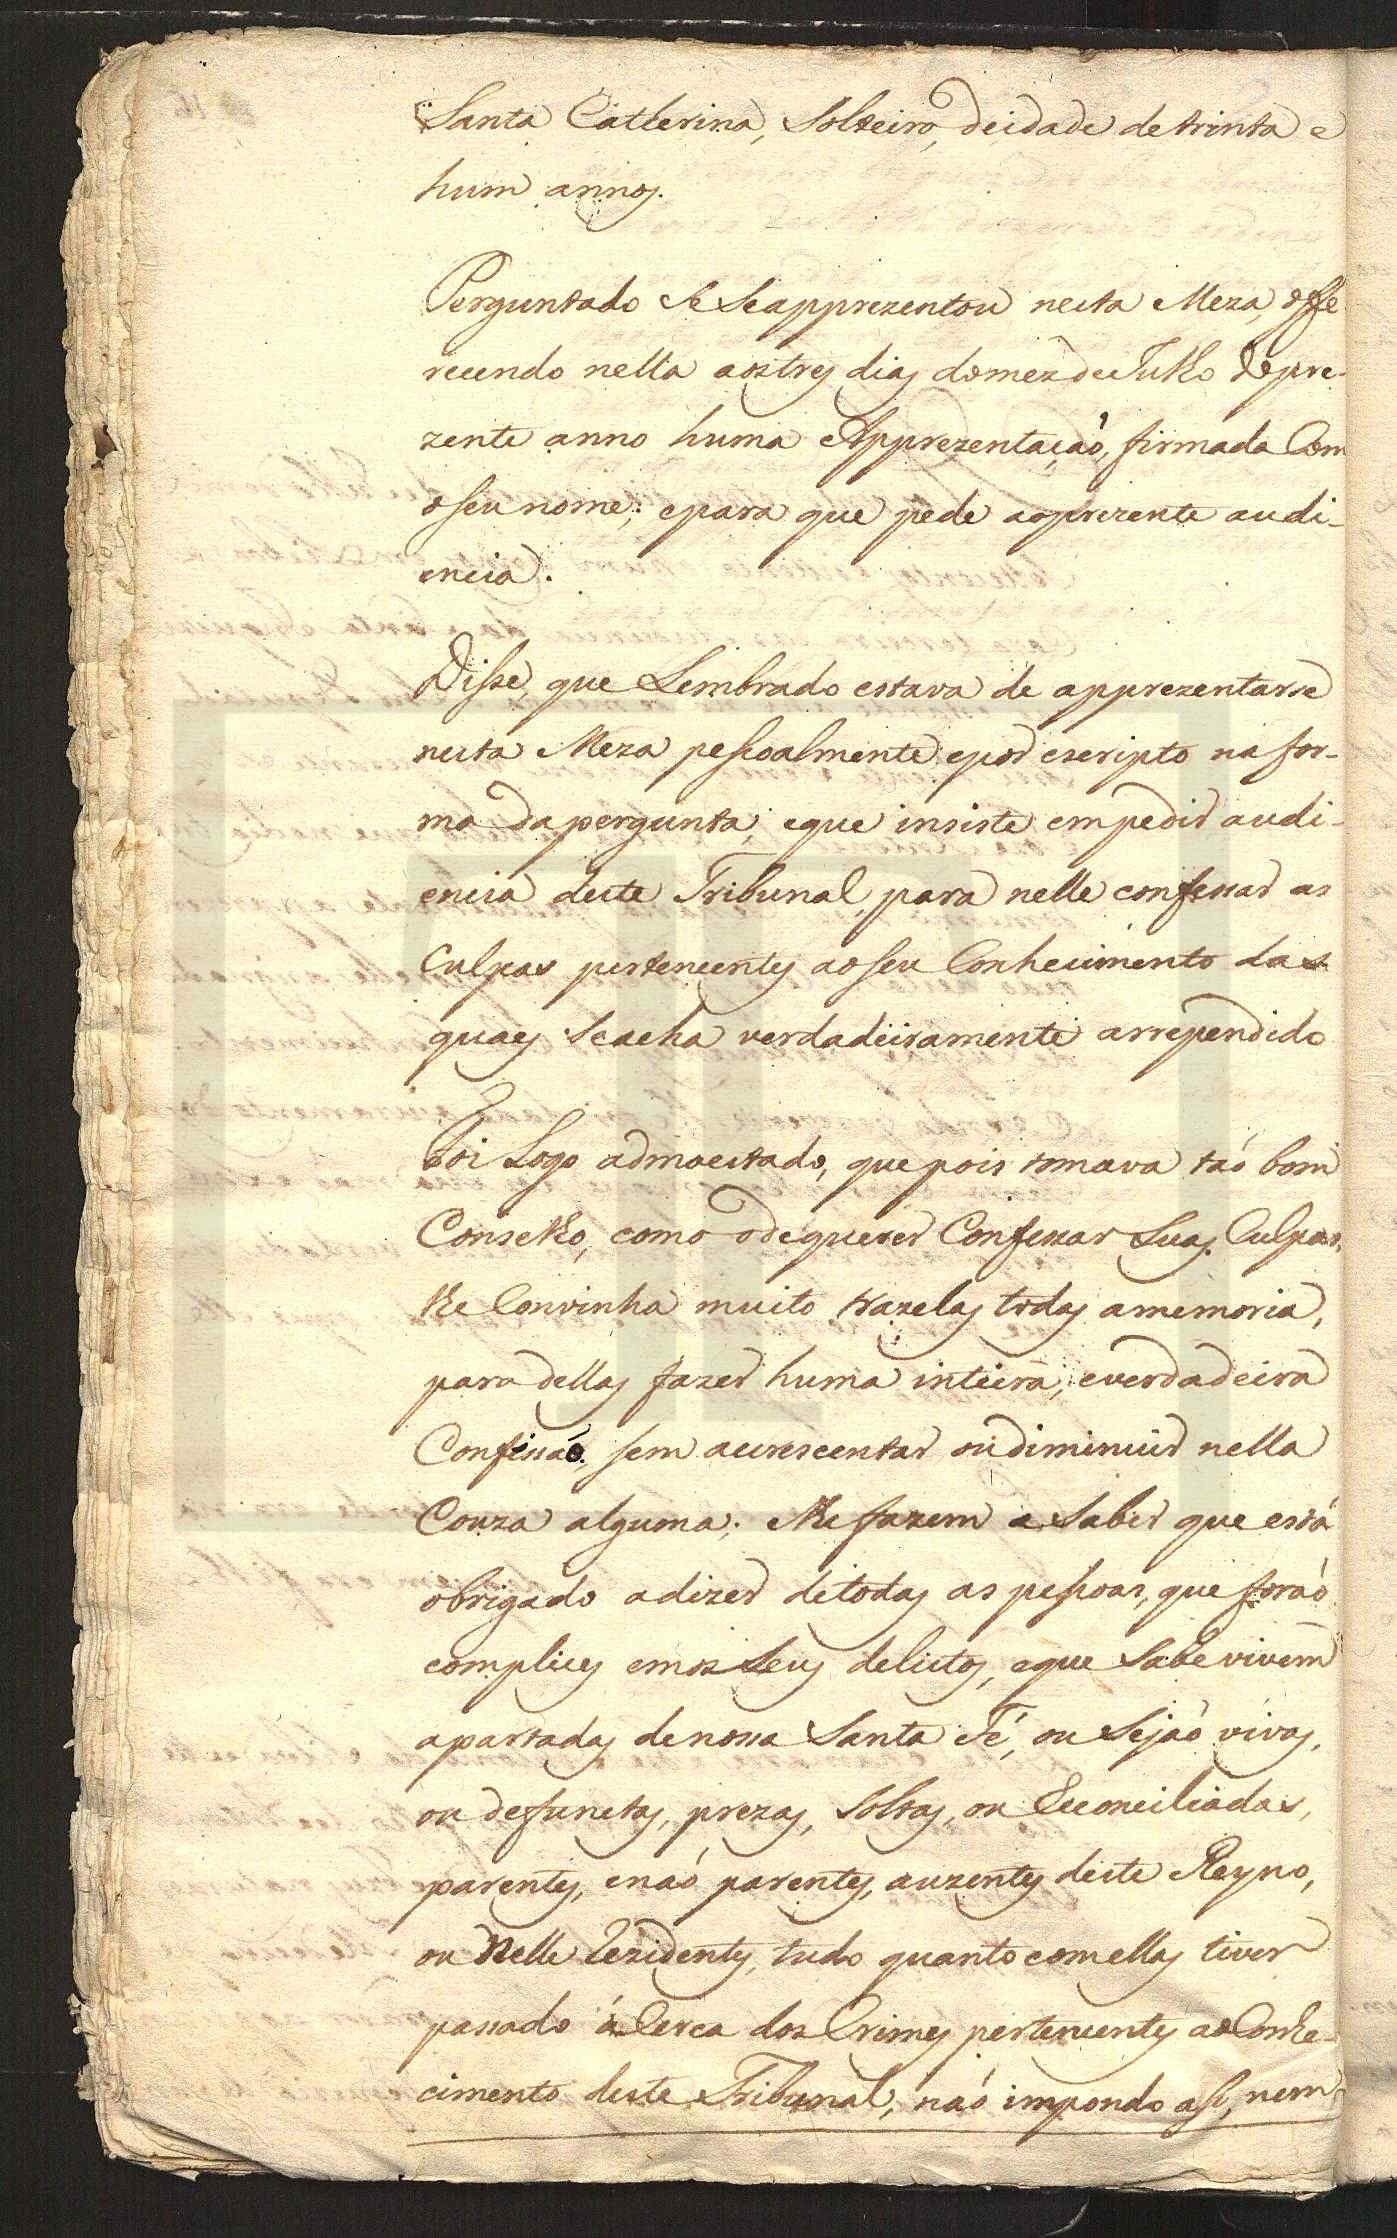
Santa Catherina, Solteiro, de idade de trinta e
hum annos.
Perguntado se se apprezentou nesta Meza, offe
recendo nella aos tres dias do mez de Iulho do pre
zente anno huma Apprezentaçaõ, firmada Com
o seu nome; e para que pede ao prezente audi
encia.
Disse, que Lembrado estava de apprezentarse
nesta Meza pessoalmente e por escripto na for
ma da pergunta; e que insiste em pedir audi
encia deste Tribunal, para nelle confessar as
culpas pertencentes ao seu Conhecimento das
quaes se acha verdadeiramente arrependido
Foi Logo admoestado, que pois tomava taõ bom
Conselho, como o de querer Confessar Suas Culpas
lhe Convinha muito trazelas todas a memoria,
para dellas fazer huma inteira; e verdadeira
Confissaõ, sem accrescentar ou diminuir nella
Couza alguma; e lhe fazem a Saber que está
obrigado a dizer de todas as pessoas, que foraõ
complices em os Seus delictos, e que Sabe vivem
apartadas de nossa Santa Sé, ou Sejaõ vivas,
ou defunctas, prezas, soltas, ou Reconciliadas,
parentes, e naõ parentes, auzentes deste Reyno,
ou nelle Rezidentes, tudo quanto com ellas tiver
passado àCerca dos Crimes pertencentes ao Conhe
cimento deste Tribunal, naõ impondo a si, nem
